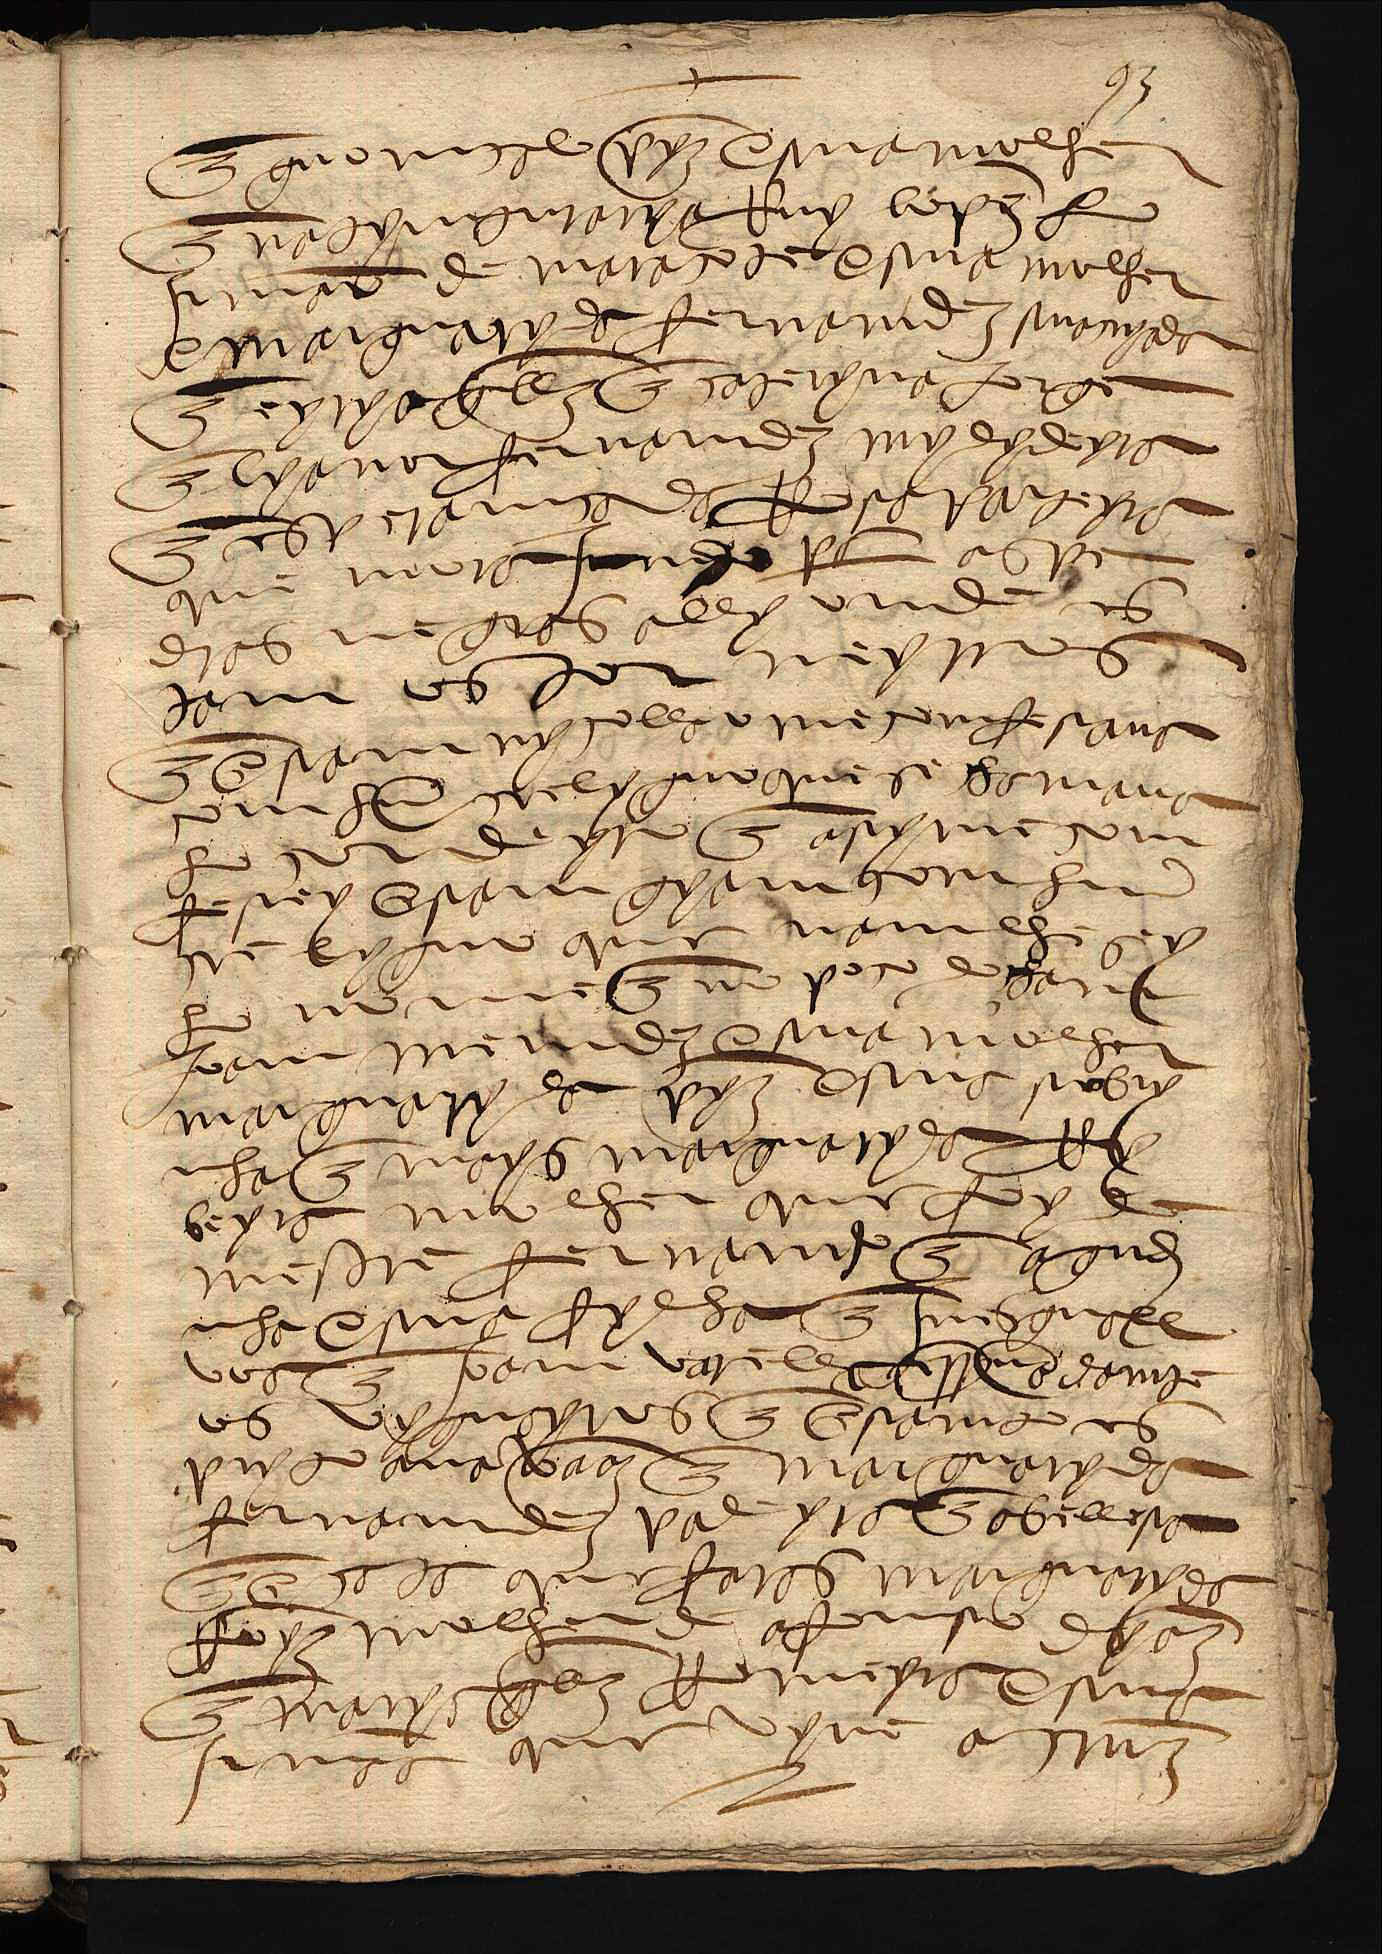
item guomcalo p̄yz e sua molher
item na tymtutarya Ruy lopez ho
Jrmão de maracote e sua molher
e marguaryda fernamdez sua cryada
item eyrya ḡllz item cateryna Jorge
item lyanor fernamdez mydydeyra
item esperamca da Rosa parteyra
que mora Jumto ꝑa as pe
dras negras ally onde es
tam os torneyrros
item ē sam nycollao me comfesaua
com hū crelyguo que se chamaua
ho cordeyro item asy me com
fesey ē sam gyam com hū
crelyguo que nam lhe sey
ho nome item no poco do cham
Joam memdez e sua molher
marguaryda p̄yz e sua sobry
nha item mays marguaryda Ry
beyra molher que foy de
mestre fernamdo item a gudj
nha e sua fylha item Jnes guall
voa item Joam varella esp̄uā damte
os vyguayros item ē samto es
pryto ana v̄aaz item marguaryda
fernamdez padeyra item a bellesa
item ē cata que faras marguaryda
Rōiz molher de afomso dyaz
item marya ḡllz Romeyra e sua
Jrmāa que vyue a cruz
